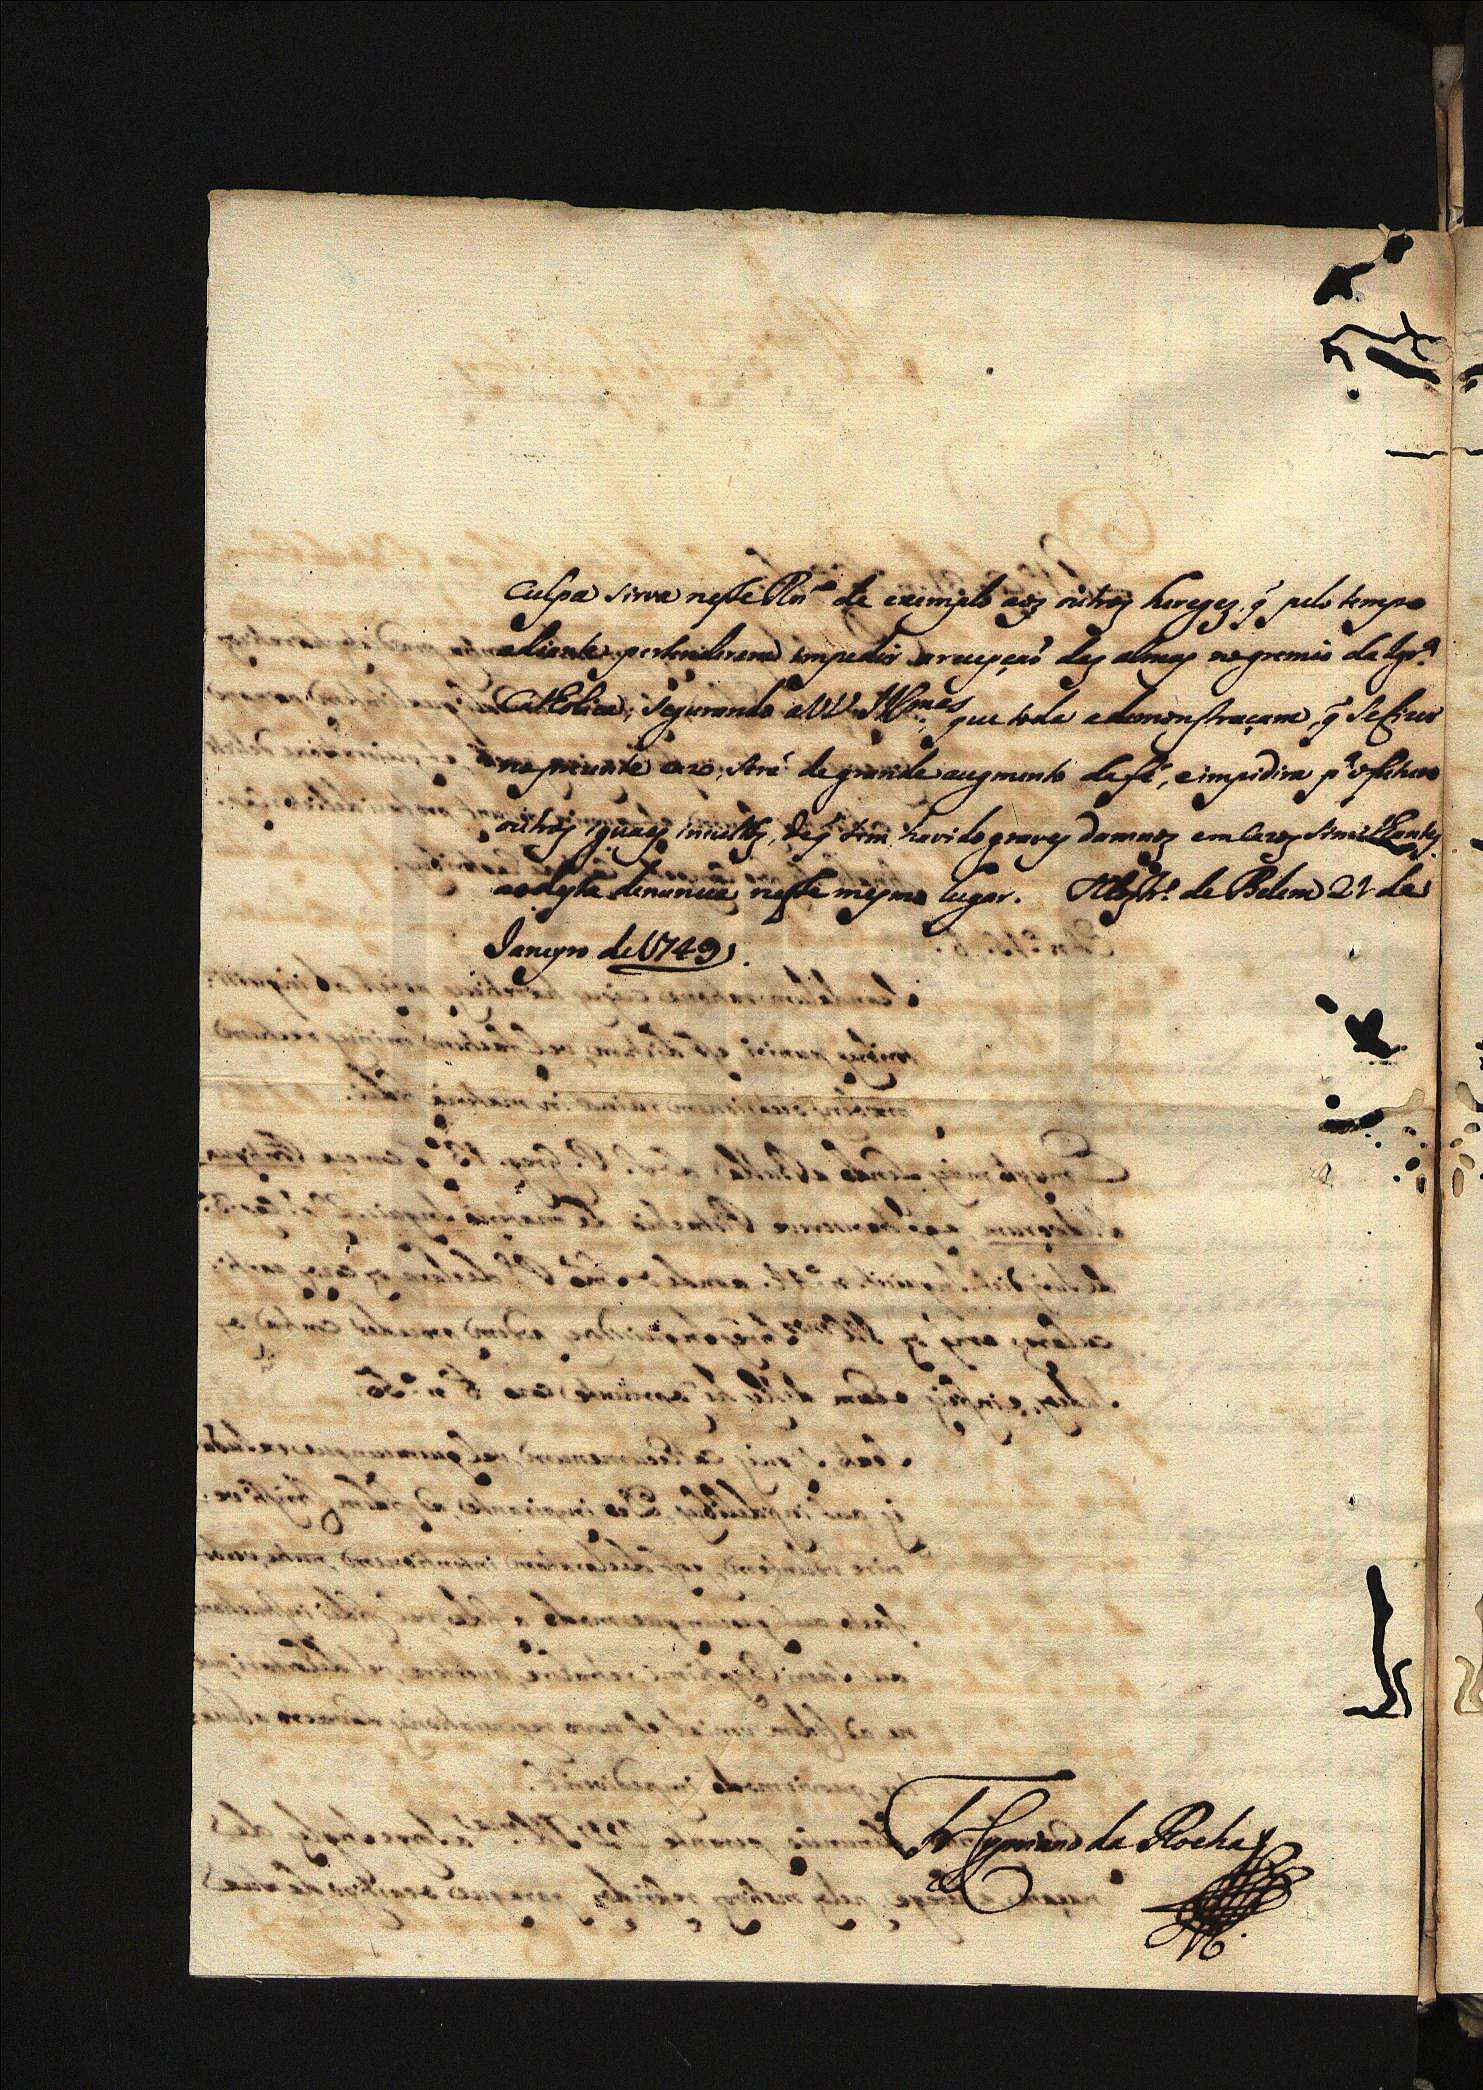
culpa sirva neste Reno de exemplo aos outros heregez, q̄ pelo tempo
adiante pertenderem impedir a recepçaõ das almas no gremio da Igr.a
Catholica; segurando a VV Ill.mas que toda a demonstraçam, q̄ se fizer
no prezente cazo, será de grande augmento da fé, e impidira pa o futuro
outros iguaes insultoz, de q̄ tem havido graves danmos em Cazos similhantes
ao desta denuncia neste mesmo lugar. Mostr.o de Pdlem 21 da
Ianeyro de 1749.
Fr Cypriano da Rocha
